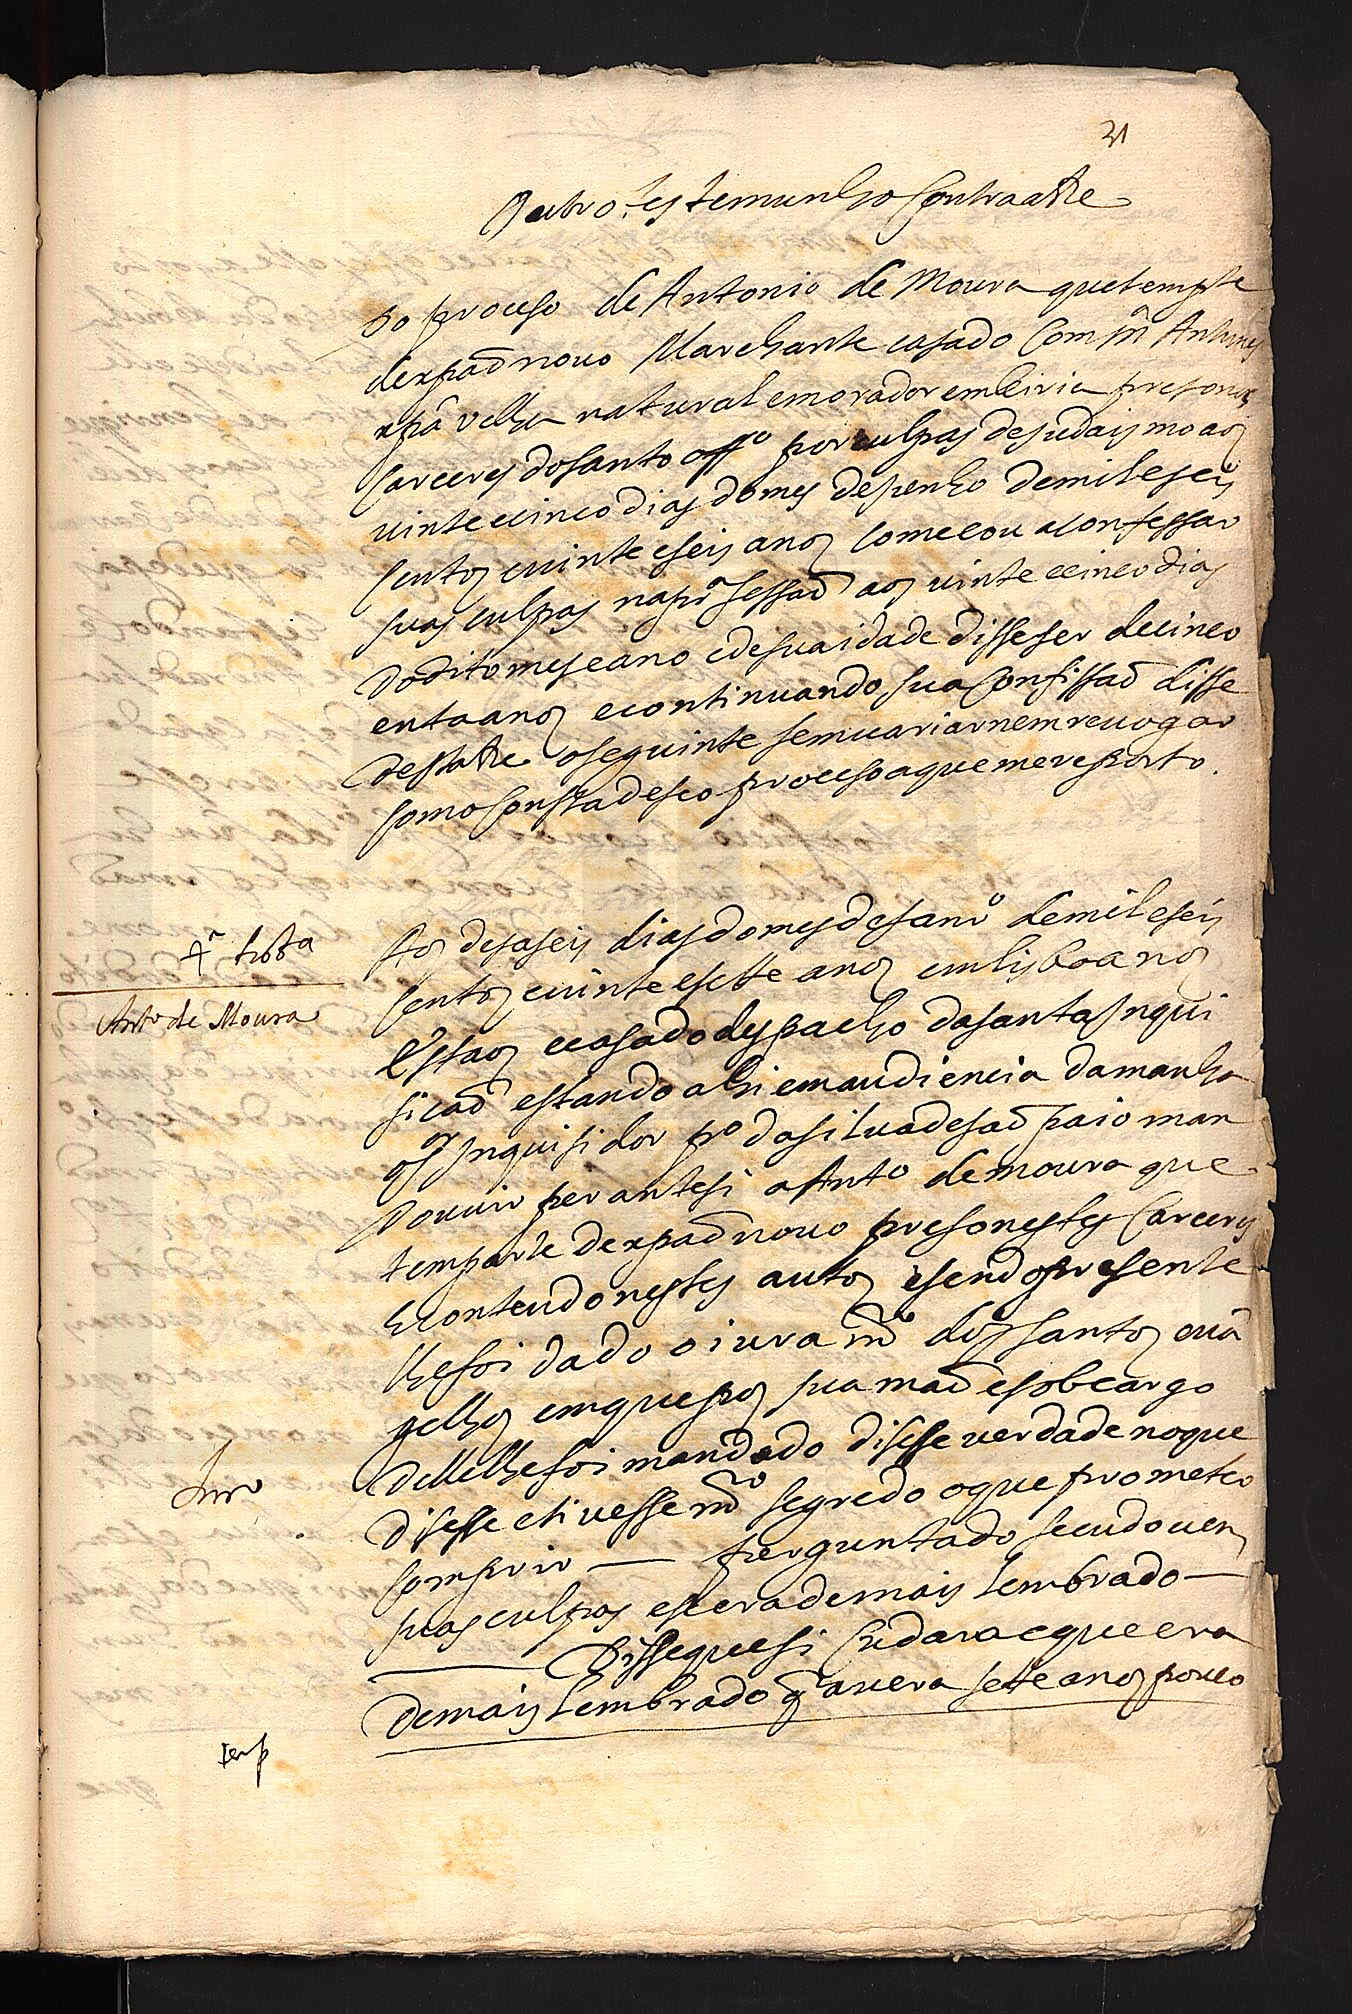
Outro testemunho Contra a Re
Do proceso de Antonio de Moura que tem pte
de xpão nouo Marchante casado Com ma Antunes
xpā velha natural e morador em leiria preso nos
Carceres do santo offo por culpas de judaismo aos
uinte e cinco dias do mes de Junho de mil e seis
Centos e uinte e seis anos comecou a confessar
suas culpas na pra sessaõ aos uinte e cinco dias
do dito mes e ano e de sua idade disse ser de cinco
enta anos e continuando sua Confissaõ disse
desta Re o seguinte sem uariar nem reuogar
Como Consta de seu proceso a que me reporto
Aos desaseis dias do mes de Janro de mil e seis
4a testa
Centos e uinte e sette anos em lisboa nos
Anto de Moura
Estaos e casa do despacho da santa Jnqui
sicão estando ahi em audiencia da manha
o sor Jnquisidor po da silua de saõpaio man
dou uir perante si a Anto de moura que
tem parte de xpão nouo preso nestes Carceres
E conteudo nestes autos e sendo presente
lhe foi dado o iuramro dos santos euā
gelhos em que pos sua maõ e sob cargo
delle lhe foi mandado disesse uerdade no que
Iuro
disesse e tiuesse mto segredo o que prometeo
Comprir
preguntado se cudou em
suas culpas e se era de mais Lembrado
Disse que si Cudara e que era
De mais Lembrado q̄ auera sette anos pouco
